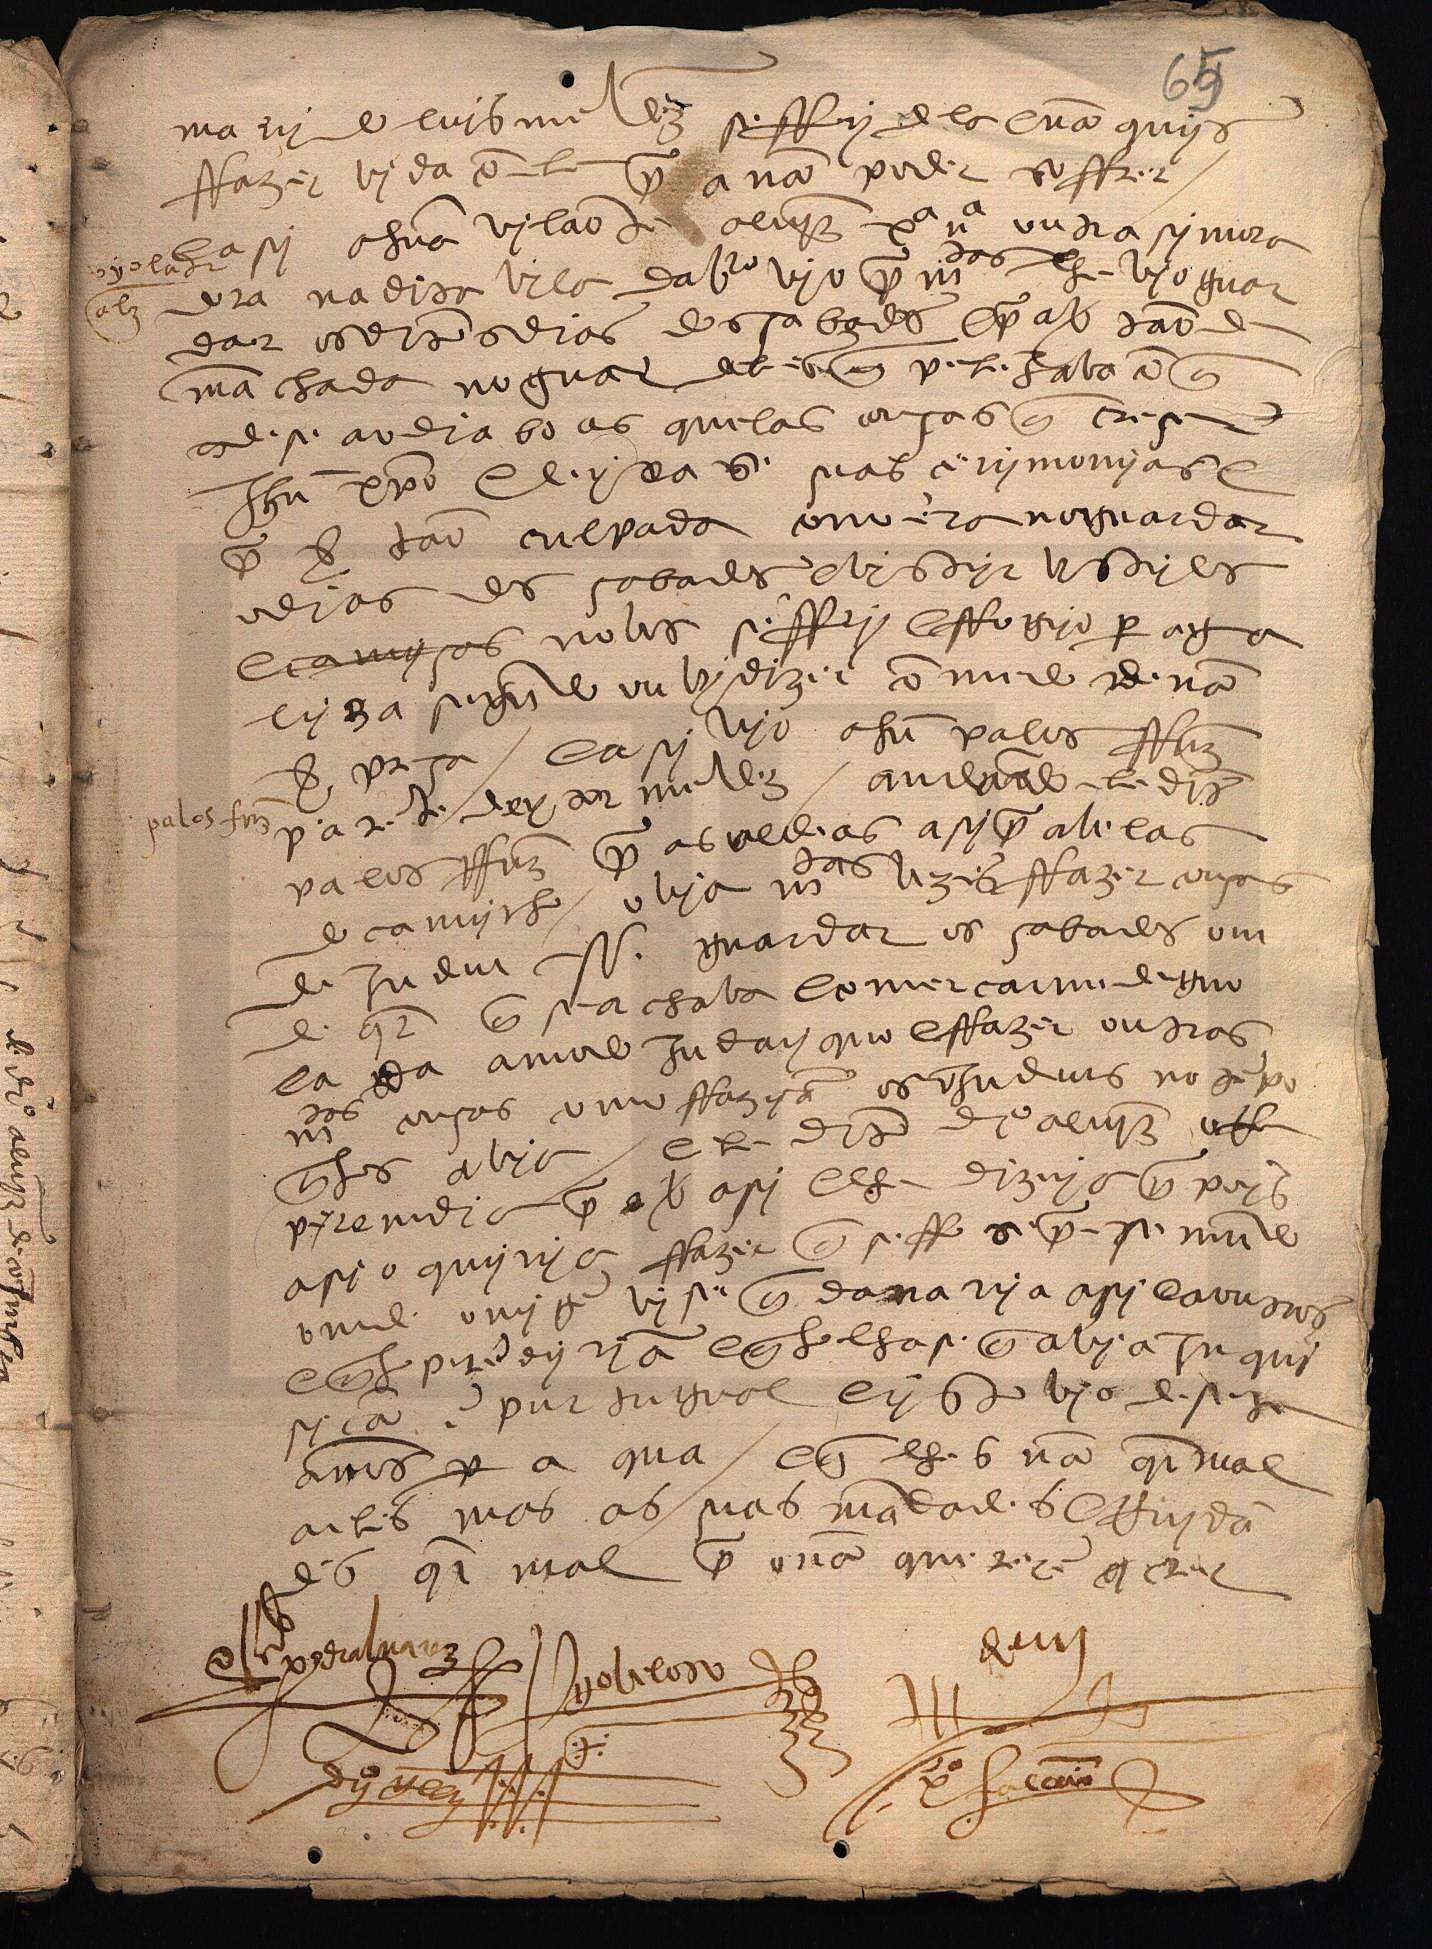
marydo lujs medēz se foy de la e não quys
ffazer vyda c̄o ele p̄o a não poder soffer /
e asy a huā vjlaōte alur̄z xa na outra sy mora
dora na dita vyla davro vyo p̄o mtas lhe vyo guar
dar os ditos dias dos sabados e p̄o a ꝟ tão de
m̄achada no guar deles q̄ peleJava c̄o q̄
a dese ao diabo as quelas cousas q̄ crese ē
Jhū xp̄o e deyxase suas çerymonyas e
p̄o ꞩ tão culpada como era no guardar
o dias dos sabados e vystyr vjstydos
e camysas novos se ffoy e ffogyo ꝑ a ga
lyza segūdo ouvy dizer c̄o medo de não
ꞩ presa / e asy vyo a hū palos ffrr̄z
parete de eytor medez / andar̄do ele djto
palos ffrr̄z p̄o as aldeas asy p̄o avelas
do camynho / o vya mtas vezes ffazer cousas
de Judeu -ss. guardar os sabado om
de q̄r q̄ se achava e comer carne deguo
lada a modo Judayquo e ffazer outras
mtas cousas como ffazyā os oJudeus no tēpo
q̄ hos avya / e ele djto djo alur̄z o Re
premdja p̄o o ꝟ asy e lhe djzya q̄ poys
asy o quyrya ffazer q̄ se ffose p̄o ese mūdo
omde o nygē vyse q̄ danarya a sy e a outros
e q̄ ho preēdyrjā e q̄ holhase q̄ avya a Jnquj
syçā ē purtugual e ysto vyo de sete
an̄os ꝑa qua / e q̄ lhes não q̄r mal
a eles mas as suas mādades e Ruydā
des q̄r mal p̄o o não quereerē q crer
